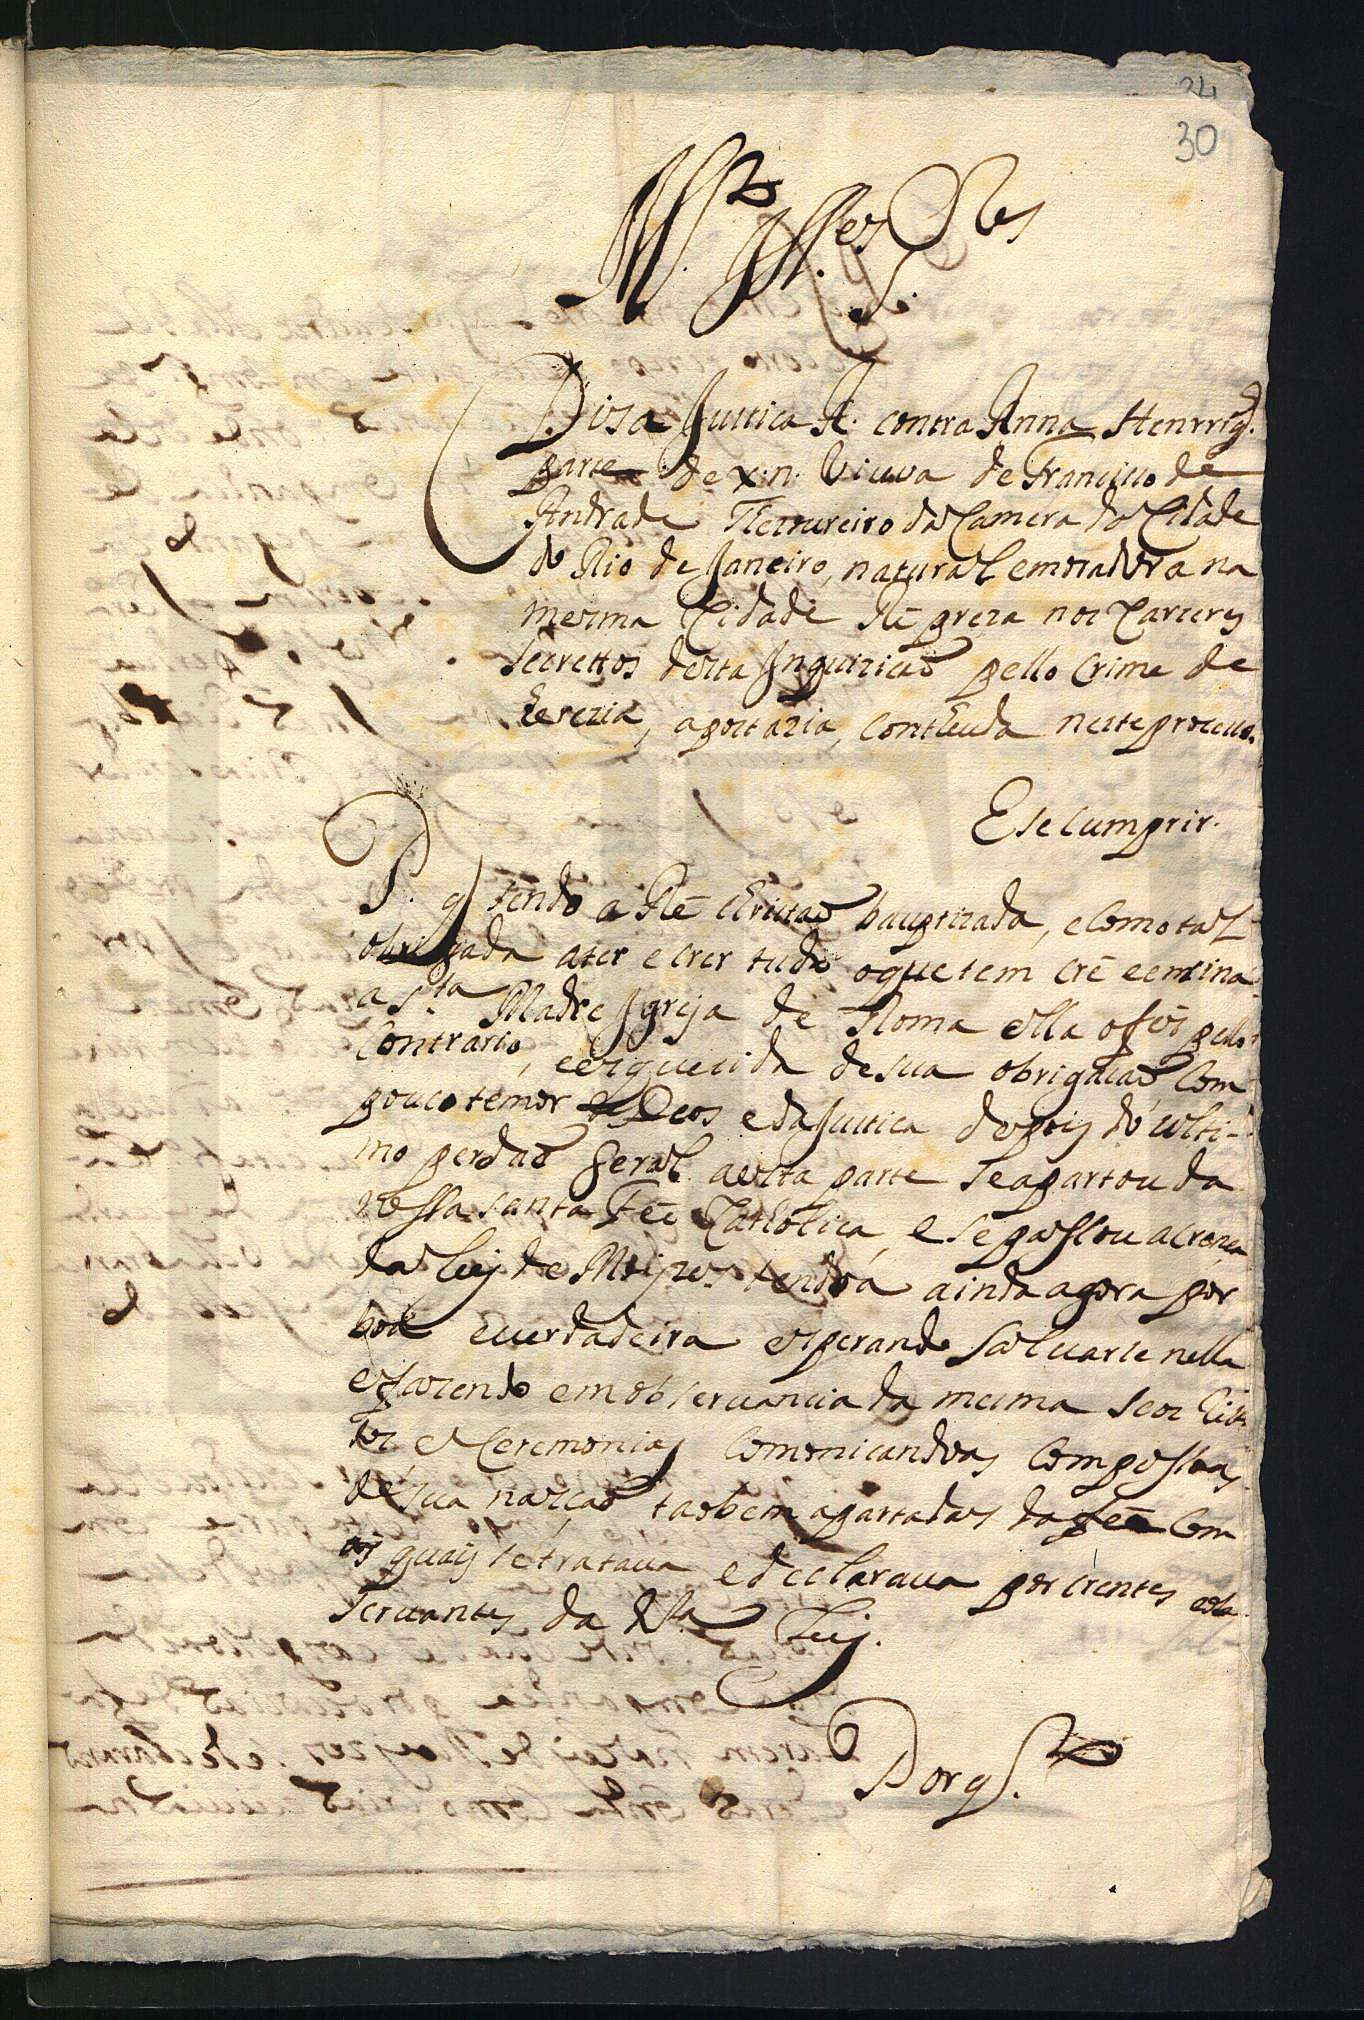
M.to Jll.es s.Res
Dis a Justiça A. contra Anna Henrriq.s
parte de x. n. Viuva de Francisco de
Andrade Thezoureiro da Camera da Cidade
do Rio de Janeiro, natural e moradora na
mesma Cidade Ré preza nos Carceres
secrettos desta Jnquiziçaõ pello Crime de
herezia, apostazia, contheuda neste processo.
E se cumprir.
P. q̄ sendo a Re christaõ bauptizada, e Como tal
obrigada a ter e crer tudo o que tem cré e ensina
a s.ta Madre Jgreja de Roma ella o fes pelo
contrario, e esquecida de sua obrigaçaõ com
pouco temor de Deos e da Justiça depois do ulti
mo perdaõ geral a esta parte se apartou da
nossa santa Fée Catholica, e se passou a crença
da lej de Moyzes tendoa ainda agora por
boa e uerdadeira esperando saluarse nella
e fazendo em obseruancia da mesma seos Rit
tos e Ceremonias Commicandoas Com pessoas
de sua nazçaõ taobem apartadas da feé Com
as quais se trataua e declaraua por crentes e ob
seruantes da d.ta Ley.
Porq.to
